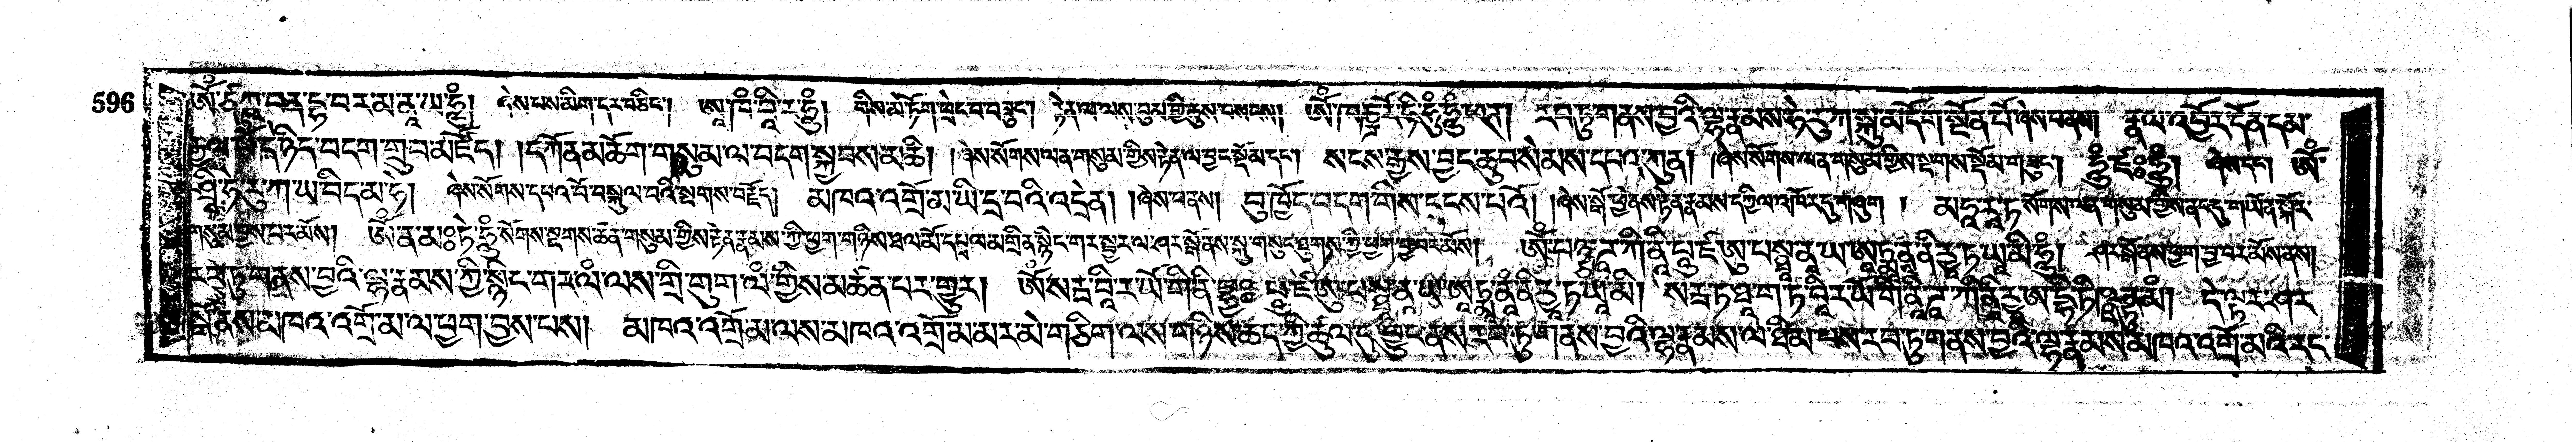ཨོཾ་ཙཀྵུ་བན་དྷ་བར་མ་ནཱ་ཡ་ཧཱུཾ། ཞེས་པས་མིག་དར་བཅིང་། ཨཱ་ཁཾ་བའི་ར་ཧཱུཾ། གིས་མེ་ཏོག་ཕྲེང་བ་བཟུང་། རྟེན་ལ་ལས་བུམ་གྱི་ཆུས་བསངས།  ཨོཾ་ཁཎྜ་རོ་ཧི་ཧཱུཾ་ཧཱུཾ་ཕཊ། རབ་ཏུ་གནས་བྱའི་ལྷ་རྣམས་ཧེ་རུ་ཀ་སྐུ་མདོག་སྔོན་པོཞེས་པ་ནས།  རྣལ་འབྱོར་དོན་དམ་
རྒྱལ་པོ་དེ་ཉིད་བདག་གྲུབ་མཛོད། །དཀོན་མཆོག་གསུམ་ལ་བདག་སྐྱབས་མཆི། །ཞེས་སོགས་ལན་གསུམ་གྱིས་རྟེན་ལ་བྱས་སྡོམ་དག།  སངས་རྒྱས་བྱང་ཆུབ་སེམས་དཔའ་ཀུན། །ཞེས་སོགས་ལན་གསུམ་གྱིས་སྔགས་སྡོམ་གཟུང་།  ཧཱུཾ་ཛཿཧཱུཾ། ཞེས་དང་།  །ཨོཾ་
ཤྲཱི་ཧེ་རུ་ཀ་བིད་མ་ཧེ། ཞེས་སོགས་དཔའ་བོ་བསྐུལ་བའི་སྔགས་བརྗོད། མཁའ་འགྲོ་མ་ཡི་དྲ་བའི་འདྲེན། །ཞེས་བ་ནས། བུ་ཁྱོད་བདག་གིས་དྲངས་པའོ། །ཞེས་སྒོ་ཕྱེ་ནས་རྟེན་རྣམས་དཀྱིལ་འཁོར་དུ་གཞུག །མཧཱ་རཱ་ཏ་སོགས་ལན་གསུམ་གྱིས་ནང་དུ་གཡོན་སྐོར་
གསུམ་བྱས་པར་མོས། ཨོཾ་ན་མཿཏེ་ཧཱུཾ་སོགས་སྔགས་ཚན་གསུམ་གྱིས་རྟེན་རྣམས་ཀྱི་ཕྱག་གཉིས་ཐལ་མོ་དཔྲལ་མགྲིན་སྙིང་གར་སྦྱར་ལ་ཤར་སྒོ་ནས་སྐུ་གསུང་ཐུགས་ཀྱི་ཕྱག་བྱ་བར་མོས།  ཨོཾ་པཉྩ་ཌཱ་ཀི་ནཱི་པཱུ་ཛ་ཨུ་པསཊཿཨཱ་ནཱ་ཡ་ཨཱ་ཏྨཱ་ནཱི་ནི་རྱཱ་མི་ཧཱུཾ། ཤར་སྒོ་ནས་ཕྱག་བྱ་བར་མོས་ནས།
རབ་ཏུ་གནས་བྱའི་ལྷ་རྣམས་ཀྱི་སྙིང་གར་ལཾ་ལས་གྲི་གུག་ལཾ་གྱིས་མཚན་པར་གྱུར། ཨོཾ་སརྦ་བཱི་ར་ཡོ་གི་ནི་བྷྱཿཔཱུ་ཛ་ཨུ་པསཊཿཨཱ་ནཱ་ཡ་ཨཱཏྨཱ་ནཱཾ་ནི་རྱ་ཏ་ཡཱ་མི། སརྦ་ཏ་ཐཱ་ག་ཏ་བཱི་ར་ཡོ་གི་ནཱི་ཌཱ་ཨ་ངྷི་ཏི་ཥཊཿཨནྟུ་མཾ། དེ་ལྟར་ཤར་
སྒོ་ནས་མཁའ་འགྲོ་མ་ལ་ཕྱག་བྱས་པས། མཁའ་འགྲོ་མ་ལས་མཁའ་འགྲོམ་མར་མེ་གཅིག་ལས་གཉིས་ཆད་ཀྱི་ཚུལ་དུ་བྱུང་ནས་རབ་ཏུ་ངས་བྱའི་ལྷ་རྣམས་ལ་ཐིམ་པས་རབ་ཏུ་གནས་བྱའི་ལྷ་རྣམས་མཁའ་འགྲོ་མའི་རང་